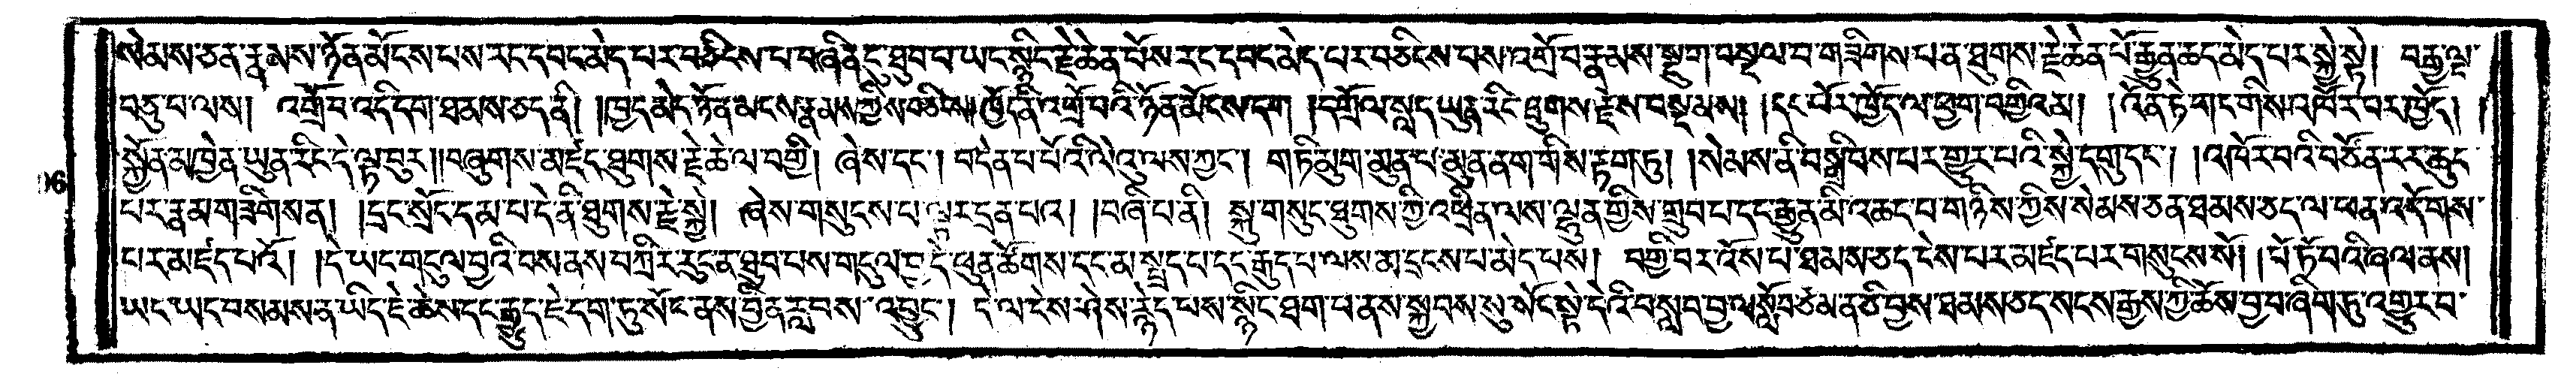སེམས་ཅན་རྣམས་ཉོན་མོངས་པས་རང་དབང་མེད་པར་བཅིངས་པ་བཞིན་དུ་ཐུབ་པ་ཡང་སྙིང་རྗེ་ཆེན་པོས་རང་དབང་མེད་པར་བཅིངས་བས་འགྲོ་བ་རྣམས་སྡུག་བསྔལ་བ་གཟིགས་པ་ན་ཐུགས་རྗེ་ཆེན་པོ་རྒྱུན་ཆད་མེད་པར་སྐྱེ་སྟེ། བརྒྱ་ལྔ་
བཅུ་པ་ལས། འགྲོ་བ་འདི་དག་ཐམས་ཅད་ནི། །ཁྱད་མེད་ཉོན་མངས་རྣམས་ཀྱིས་བཅིངས། ཁྱོད་ནི་འགྲོ་བའི་ཉོན་མོངས་དག །དགྲོལ་སླད་ཡུན་རིང་ཐུགས་རྗེས་བསྔམས། །དང་པོར་ཁྱོད་ལ་ཕྱག་བགྱིའམ། །འོན་ཏེ་གང་གིས་འཁོར་བར་ཁྱོད། །
སྐྱོན་མཁྱེན་ཡུན་རིང་དེ་ལྟ་བུར། །བཞུགས་མཛད་ཐུགས་རྗེ་ཆེ་ལ་བགྱི། ཞེས་དང་།བདེན་པ་པོའི་ལེའུ་ལས་ཀྱང་། གཏི་མུག་མུན་པ་མུན་ནག་གིས་རྟག་ཏུ། །སེམས་ནི་བསྒྲིབས་པར་གྱུར་པའི་སྐྱེ་དགུ་དང་། །འཁོར་བའི་བཙོན་རར་ཆུང་
པར་རྣམ་གཟིགས་ན། །དྲང་སྲོང་དམ་པ་དེ་ནི་ཐུགས་རྗེ་སྐྱེ། ཞེས་གསུངས་པ་ལྟར་དྲན་པའ། །བཞི་པ་ནི། སྐུ་གསུང་ཐུགས་ཀྱི་འཕྲིན་ལས་ལྷུན་གྱིས་གྲུབ་པ་དང་རྒྱུན་མི་འཆད་པ་གཉིས་ཀྱིས་སེམས་ཅན་ཐམས་ཅད་ལ་ཕན་འདོགས་
པར་མཛད་པའོ། །དེ་ཡང་གདུལ་བྱའི་བས་ནས་བཀྲིར་རུང་ན་ཐུབ་པས་གདུལ་བྱ་དེ་ཕུན་ཚོགས་དང་མ་སྤྲད་པ་དང་རྒྱུད་པ་ལས་མ་དྲངས་པ་མེད་པས། བགྱི་བར་འོས་པ་ཐམས་ཅད་ངེས་པར་མཛད་པར་གསུངས་སོ། །པོ་ཏོ་བའི་ཞལ་ནས།
ཡང་ཡང་བསམས་ན་ཡིད་ཇེ་ཆེས་དང་རྒྱུད་ཇེ་དག་ཏུ་སོང་ནས་བྱིན་རླབས་འབྱུང་། དེ་ལ་ངེས་ཤེས་རྙེད་པས་སྙིང་ཐག་པ་ནས་སྐྱབས་སུ་སོང་སྟེ་དེའི་བསླབ་བྱ་ལ་སློབ་ཙམ་ན་ཅི་བྱས་ཐམས་ཅད་སངས་རྒྱས་ཀྱི་ཆོས་བྱ་བ་ཞིག་ཏུ་འགྱུར་བ་